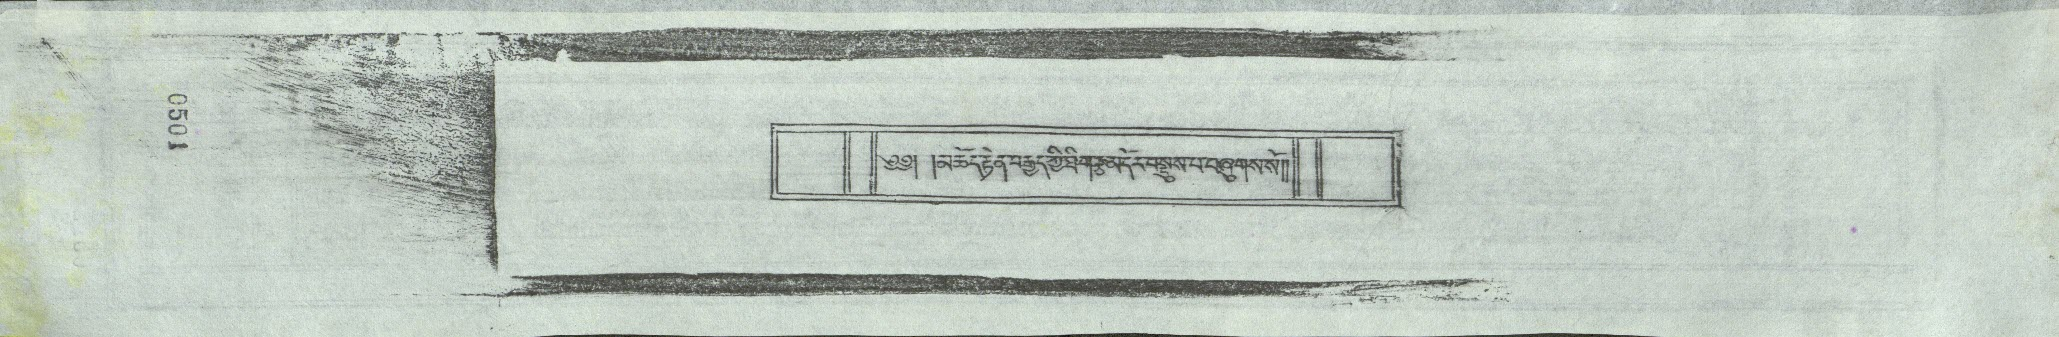༄༅། །མཆོད་རྟེན་བརྒྱད་ཀྱི་ཐིག་རྩ་མདོར་བསྡུས་པ་བཞུགས་སོ།།